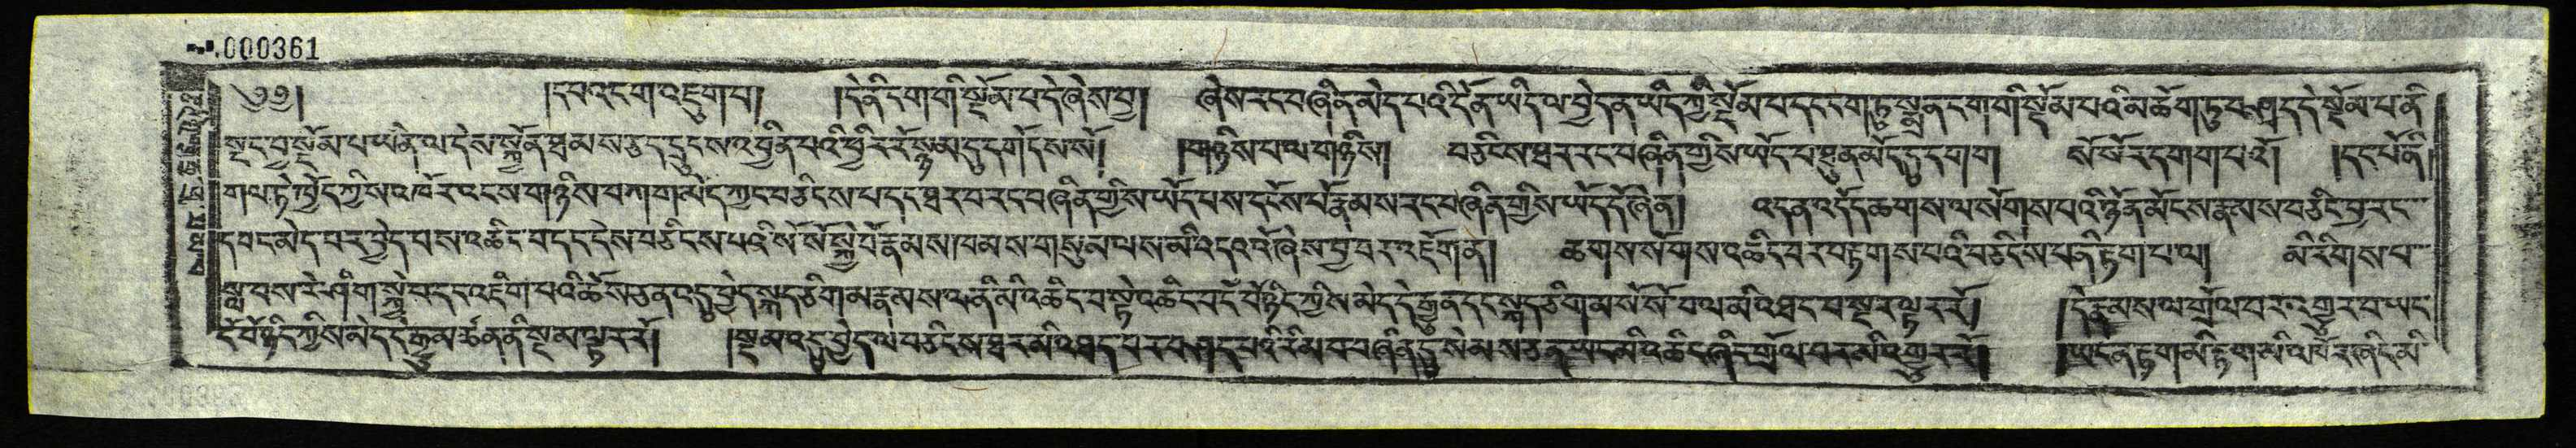༄༅། །དཔའ་ངག་འཇུག་པ། །དེ་ནི་ངག་གི་སྡོམ་པ་དེ་ཞེས་བྱ། ཞེས་རང་བཞིན་མེད་པའི་དོན་ཡིད་ལ་བྱེད་ན་ཡིད་ཀྱི་སྡོམ་པ་དང་ངག་ཏུ་སྨྲ་ན་ངག་གི་སྡོམ་པའི་མཆོག་ཏུ་བཤད་དེ་སྡོམ་པ་ནི་
སྡང?་བྱ་སྡོམ་པ་ཡིན་ལ་དེས་སྐྱོན་ཐམས་ཅད་དྲུངས་འབྱིན་པའི་ཕྱིར་རོ་སྙམ་དུ་དགོངས་སོ། །གཉིས་པ་ལ་གཉིས། བཅིངས་ཐར་རང་བཞིན་གྱིས་ཡོད་པ་ཐུན་མོང་དུ་དགག་སོ་སོར་དགག་པའོ། །དང་པོ་ནི།
གལ་ཏེ་ཁྱོད་ཀྱིས་འཁོར་འདས་གཉིས་བཀག་མེད་ཀྱང་བཅིངས་པ་དང་ཐར་བ་རང་བཞིན་གྱིས་ཡོད་པས་དངོས་པོ་རྣམས་རང་བཞིན་གྱིས་ཡོད་དོ་ཞེ་ན། འདན་འདོད་ཆགས་ལ་སོགས་པའི་ཉོན་མོངས་རྣམས་བཅིང་བྱ་རང་
དབང་མེད་པར་བྱེད་པས་འཆིང་བ་དང་ངེས་བཅིངས་པའི་སོ་སོ་སྐྱེ་བོ་རྣམས་ཁམས་གསུམ་ལས་མི་འདའ་འོ་ཞེས་བྱ་བར་འཇོག་ན། ཆགས་སོགས་འཆིང་བར་བརྟགས་པའི་བཅིངས་པ་ནི་རྟག་པ་ལ། མི་རིགས་པ་
སླ་བས་རེ་ཤིག་སྐྱེ་བ་དང་འཇིག་པའི་ཆོས་ཅན་དུ་བྱེད་སྐད་ཅིག་མ་རྣམས་ལ་ནི་མི་འཆིང་བ་སྟེ་འཆིང་བ་ངོ་བོ་ཉིད་ཀྱིས་མེད་དེ་རྒྱུན་དང་སྐད་ཅིག་མ་སོ་སོ་བ་ལ་མི་འཐང་བ་སྔར་ལྟར་རོ། །དེ་རྣམས་ལ་གྲོལ་བར་འགྱུར་བ་ཡང་
ངོ་བོ་ཉིད་ཀྱིས་མེད་དེ་རྒྱུ་མཚན་ནི་སྔ་མ་ལྟར་རོ། །སྔ་མ་འདུ་བྱེད་ལ་བཅིངས་ཐར་མི་འཐད་པར་བཤད་པའི་རིམ་པ་བཞིན་དུ་སེམས་ཅན་ཡང་མི་འཆིང་ཞིང་གྲོལ་བར་མི་འགྱུར་རོ། །ཡང་ན་རྟག་མི་རྟག་མི་འཁོར་ཞིང་མི་